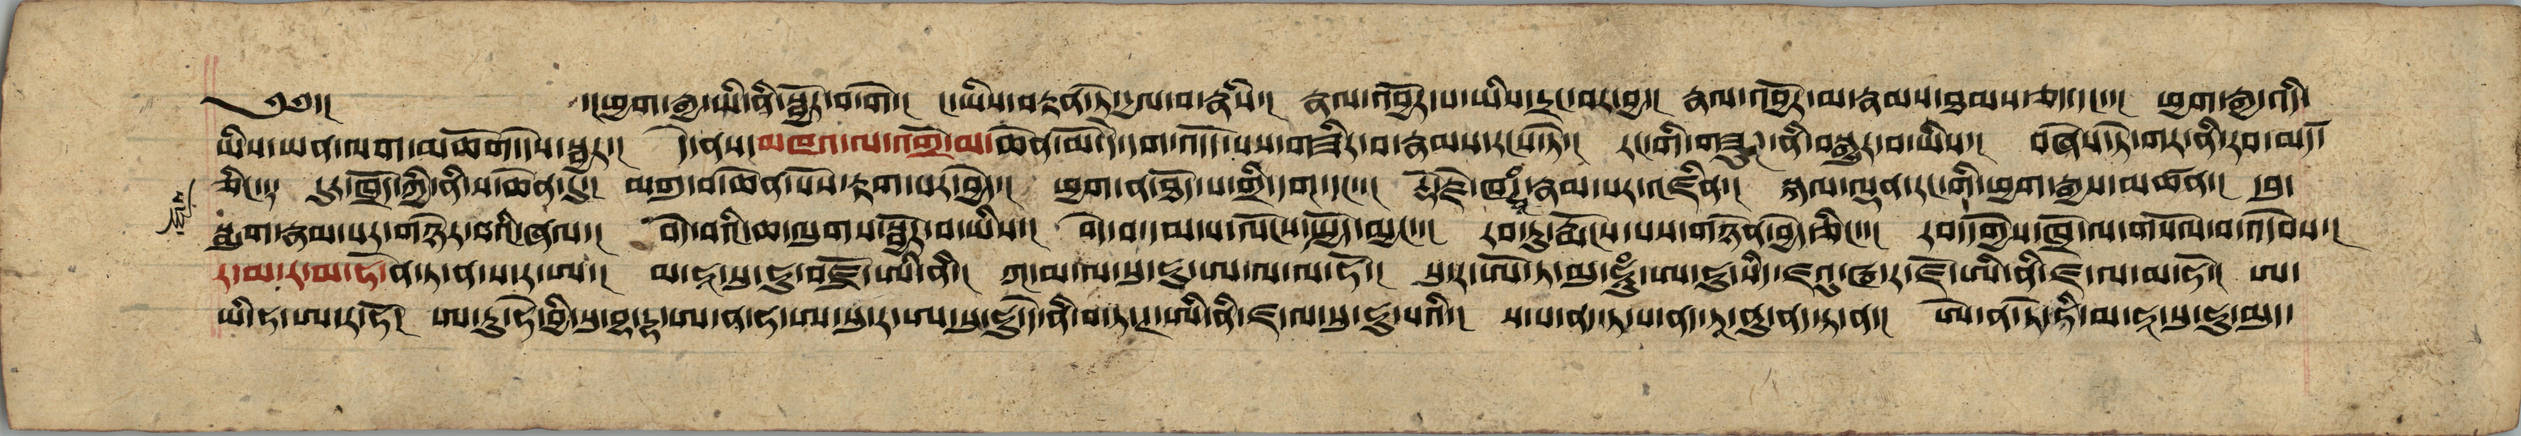༄༅་། ་།ཕྱག་རྒྱ་ཡི་ནི་སྦྱོར་བ་གེ་། ང་ཡིས་བརྟན་ཏེ་དྱལ་བ་རྣཾས་། རྣལ་འབྱོར་པ་ཡིས་དྲང་བར་བྱ་། རྣལ་འབྱོར་མ་རྣམས་ཐམས་ཅད་དང་་། ཕྱག་རྒྱ་འདི་
ཡིས་ཡན་ལག་མཆོག་དེས་སྦྱར་། དེ་ནས་མཁའ་ལ་འགྲོ་མ་ཆེན་མོ་དེ་དག་འདོད་པས་གཟིར་བ་རྣམས་རངས་ཏེ་། རང་གི་གཟུཌ་ནི་བསྒྱུར་བ་ཡིས་། བཞེས་ཏེ་གར་ནི་རབ་མཛད་
ཅིང་༑ དུར་ཁྲོད་ཀྱི་ནི་ས་ཆེན་དུ་། མགུ་བ་ཆེན་པོས་རྟག་པར་བྱེད་། ཕྱག་ན་ཐོད་པ་གྲི་དག་དང་་། རྡོ་རྗེ་ཁཊྭཱཾ་རྣམ་པར་འཛིན་། སྐལ་ལྡན་རང་གི་ཕྱག་རྒྱས་མཚན་། དབུ་
སྨུག་རྣམ་པར་གཉེར་བའི་ཞལ་། བདེ་བའི་ཆ་ལུགས་སྦྱོར་བ་ཡིས་། བདེ་བ་དམ་པ་ལོངས་སྤྱོད་མྱང་་། རབ་ཏུ་རྨོངས་པས་གཉེན་བྱེད་ཅིང་་། རབ་དགྱེས་ཁྲོ་ལ་གསོལ་བ་འདེབས་།
ར་མ་ར་མ་ཧོ་ན་ཏ་ན་ས་ར་ཨ་། མ་ཧཱ་སུ་ཧུ་བཛྲོ་ཨི་ནི་། ཀ་མ་ལ་སུ་ཧུ་ཨ་ལ་ལ་ཧོ་། སུ་ར་ཨོ་ཏ་མུ་ཧཱུཾ་ཨ་ཧུ་སིད་ཛའུ་ཝ་ར་ཛོ་ཨི་ནི་ཛ་ལ་མ་ཧོ་། ཨ་
ཡི་ཧ་ཨ་ར་ཧོ། ཨ་ཏུ་ཧེ་བྱི་སུ་བྷ་དྷ་ཨ་ན་ཧ་ཨ་སུ་ར་ཨ་སུ་ཧུ་དེ་ནི་བ་ཏ་ཊ་ཨི་ནི་ཛ་ལ་སུ་ཧུ་པའི་། ས་པ་ནད་ཏ་པ་ནད་ཏཱ་ནུ་ནད་ཏ་ན་། ཨེ་ན་ཏེ་ཧི་མ་ཧཱ་སུ་ཧུ་མུད་